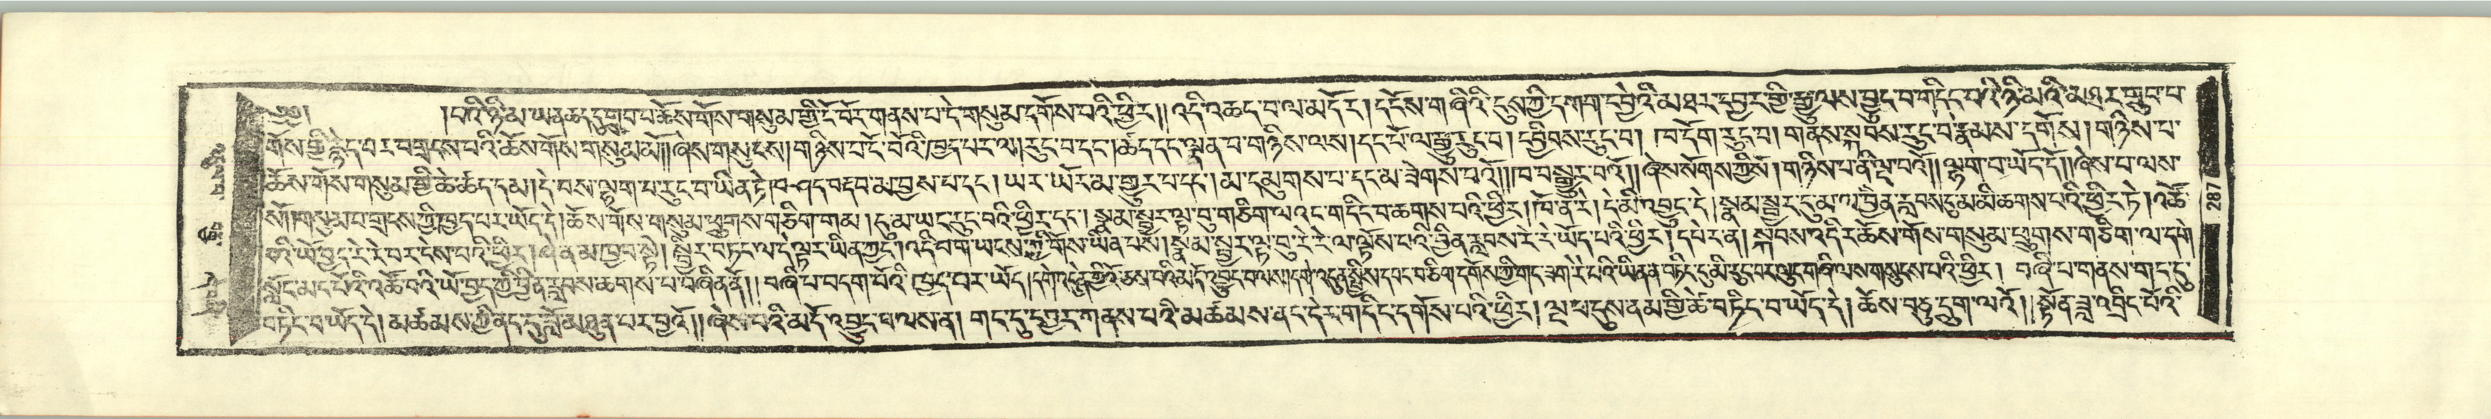༄༅། །བའི་ཉི་མ་ཡན་ཆད་དུ་གྲུབ་པ་ཆོས་གོས་གསུམ་གྱི་ངོ་བོར་གནས་པ་དེ་གསུམ་དགོས་པའི་ཕྱིར། །འདི་འཆད་བ་ལ་མདོར། དངོས་གཞིའི་དུས་ཀྱི་དགག་དབྱེའི་མཐར་དབྱར་གྱི་རྒྱུ་ལས་བྱུང་བ་གདིང་བའི་ཉི་མའི་མཐར་གྲུབ་པ་
གོས་གྱི་རྙེད་པར་བགྲངས་པའི་ཆོས་གོས་གསུམ་མོ། །ཞེས་གསུངས། གཉིས་པ་ངོ་བོའི་ཁྱད་པར་ལ། རུང་བ་དང་། ཚད་དང་ལྡན་བ་གཉིས་ལས། དང་པོ་ལ་རྒྱུ་རུང་བ། དབྱིབས་རུང་བ། ཁ་དོག་རུང་བ། གནས་སྐབས་རུང་བ་རྣམས་དགོས། གཉིས་པ་
ཆོས་གོས་གསུམ་གྱི་ཆེ་ཚད་དམ། དེ་བས་ལྷག་པ་རུང་བ་ཡིན་ཏེ། བཤད་བརྡབ་མ་བྱས་པ་དང་། ཡར་ཡོར་མ་གྱུར་པ་དང་། མ་དམུགས་པ་དང་མ་ཟེགས་པའོ། །ཁ་བསྒྱུར་བའོ། །ཞེས་སོགས་ཀྱིས། གཉིས་པ་ནི་ལྔ་བའོ། །ལྷག་བ་ཡོད་དོ། །ཞེས་པ་ལས་
སོ། །གསུམ་པ་གྲངས་ཀྱི་ཁྱད་པར་ཡོད་དེ། ཆོས་གོས་གསུམ་ཕྲུགས་གཅིག་གམ། དུ་མ་ཡང་རུང་བའི་ཕྱིར་དང་། སྣམ་སྦྱར་ལྟ་བུ་གཅིག་ལའང་གདིང་བ་ཆགས་པའི་ཕྱིར། ཁོ་ན་རེ། དེ་མི་འབྱུང་དེ། སྣམ་སྦྱར་དུ་མ་ལ་བྱིན་རླབས་དུ་མ་མི་ཆགས་པའི་ཕྱིར་ཏེ། འཚོ་
བའི་ཡོ་བྱད་རེ་རེ་བར་ངེས་པའི་ཕྱིར། ཞེ་ན་མ་ཁྱབ་སྟེ། སྦྱིར་བཏང་ལ་དེ་ལྟར་ཡིན་ཀྱང་། འདི་བག་ཡངས་ཀྱི་གོས་ཡིན་པས། སྣམ་སྦྱར་ལྟ་བུ་རེ་རེ་ལ་ལྟོས་པའི་བྱིན་རླབས་རེ་རེ་ཡོད་པའི་ཕྱིར། དཔེར་ན། སྐབས་འདིར་ཆོས་གོས་གསུམ་ཕྲུགས་གཅིག་ལ་དགེ་
སློང་མང་པོའི་འཚོ་བའི་ཡོ་བྱད་ཀྱི་བྱིན་རླབས་ཆགས་པ་བཞིན་ནོ། །བཞི་པ་བདག་པོའི་ཁྱད་པར་ཡོད། དགེ་འདུན་གྱིའོ་ཅས་བའི་མདོ་འབྱུང་བ་ལས། དགེ་འདུན་སྤྱིས་དབང་བ་ཅིག་དགོས་ཀྱི་གང་ཟག་རེ་རེ་པའི་ཡིན་ན་བཏིང་དུ་མི་རུང་བར་ལུང་གཞི་ལས་གསུངས་པའི་ཕྱིར། བཞི་པ་གནས་གང་དུ་
བཏིང་བ་ཡོད་དེ། མཚམས་ཀྱི་ནང་དུ་བློ་མཐུན་པར་བྱའོ། །ཞེས་པའི་མདོ་འབྱུང་བ་ལས་ན། གང་དུ་དབྱར་གནས་པའི་མཚམས་ནང་དེར་གདིང་དགོས་པའི་ཕྱིར། ལྔ་པ་དུས་ནམ་གྱི་ཚེ་བཏིང་བ་ཡོད་དེ། ཚེས་བཅུ་དྲུག་ལའོ། །སྟོན་ཟླ་འབྲིང་པོའི་